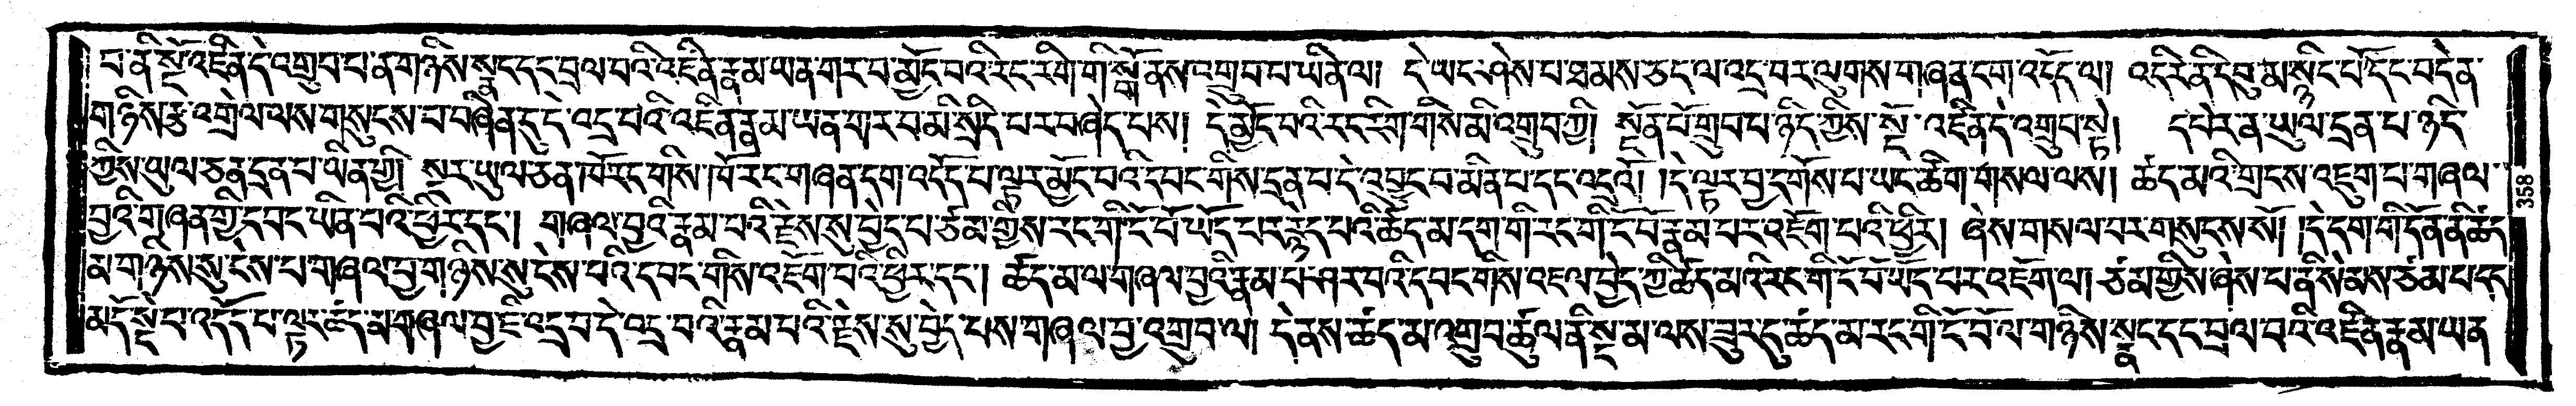བ་ནི་སྔོ་འཛིན་དེ་འགྲུབ་པ་ན་གཉིས་སྣང་དང་བྲལ་བའི་འཛིན་རྣམ་ཡན་གར་བ་མྱོང་བའི་རང་རིག་གི་སྒོ་ནས་འགྲུབ་པ་ཡིན་ལ། དེ་ཡང་ཤེས་པ་ཐམས་ཅད་ལ་འདྲ་བར་ལུགས་གཞན་དག་འདོད་ལ། འདིར་ནི་དབུ་མ་སྙིང་པོ་དང་བདེན་
གཉིས་རྩ་འགྲེལ་ལས་གསུངས་པ་བཞིན་དུ་དེ་འདྲ་བའི་འཛིན་རྣམ་ཡན་གར་བ་མི་སྲིད་པར་བཞེད་པས། དེ་མྱོང་བའི་རང་རིག་གིས་མི་འགྲུབ་ཀྱི། སྔོན་པོ་གྲུབ་པ་ཉིད་ཀྱིས་སྔོ་འཛིན་དེ་འགྲུབ་སྟེ། དཔེར་ན་ཡུལ་དྲན་པ་ཉིད་
ཀྱིས་ཡུལ་ཅན་དྲན་པ་ཡིན་གྱི། སྔར་ཡུལ་ཅན་ཁོ་རང་གིས་ཁོ་རང་གཞན་དག་འདོད་པ་ལྟར་མྱོང་བའི་དབང་གིས་དྲན་པ་དེ་འབྱུང་བ་མིན་པ་དང་འདྲའོ། །དེ་ལྟར་བྱ་དགོས་པ་ཡང་ཚིག་གསལ་ལས། ཚད་མའི་གྲངས་འཇུག་པ་གཞལ་
བྱའི་གཞན་གྱི་དབང་ཡིན་པའི་ཕྱིར་དང་། གཞལ་བྱའི་རྣམ་པའི་རྗེ་སུ་བྱེད་པ་ཙམ་གྱིས་རང་གི་ངོ་བོ་ཡོད་པར་རྙེད་པའི་ཚད་མ་དག་གི་རང་གི་ངོ་བོ་རྣམ་པར་འཇོག་པའི་ཕྱིར། ཞེས་གསལ་བར་གསུངས་སོ། །དེ་དག་གི་དོན་ནི་ཚད་
མ་གཉིས་སུ་ངེས་པ་གཞལ་བྱ་གཉིས་སུ་ངེས་པའི་དབང་གིས་འཇོག་པའི་ཕྱིར་དང་། ཚད་མ་ལ་གཞལ་བྱའི་རྣམ་པ་ཤར་བའི་དབང་གིས་འཇལ་བྱེད་ཀྱི་ཚད་མའི་རང་གི་ངོ་བོ་ཡོད་པར་འཇོག་ལ། ཙམ་གྱིས་ཞེས་པ་ནི་སེམས་ཙམ་པ་དང་
མདོ་སྡེ་པ་འདོད་པ་ལྟར་ཚད་མ་གཞལ་བྱ་ཇི་འདྲ་པ་དེ་འདྲ་བའི་རྣམ་པའི་རྗེ་སུ་བྱེད་པས་གཞལ་བྱ་འགྲུབ་ལ། དེ་ནས་ཚད་མ་འགྲུབ་ཚུལ་ནི་སྔ་མ་ལས་ཟུར་དུ་ཚད་མ་རང་གི་ངོ་བོ་ལ་གཉིས་སྣང་དང་བྲལ་བའི་འཛིན་རྣམ་ཡན་